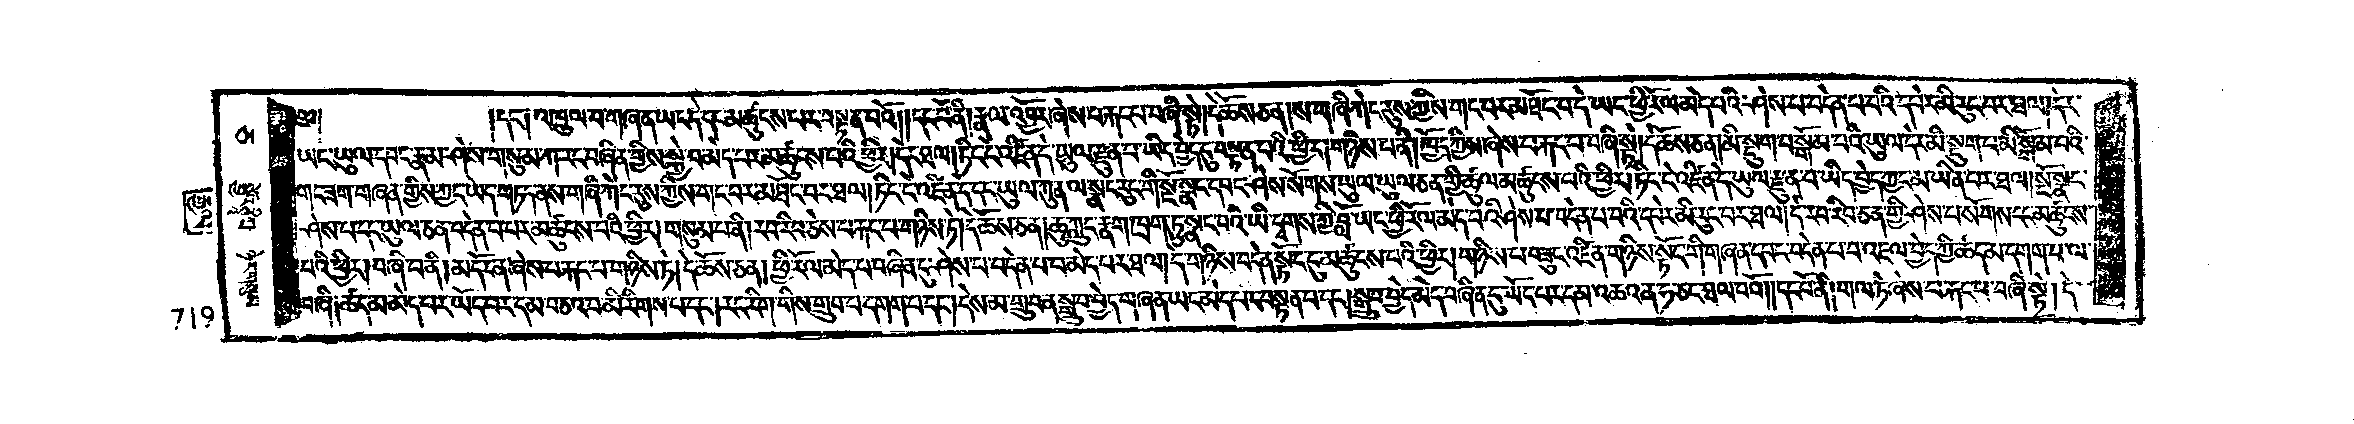༄༅། །དང༑ འཁྲུལ་བ་གཞན་ཡང་དེ་དང་མཚུངས་པར་བསྟན་པའོ། །དང་པོ་ནི། རྣལ་འབྱོར་ཞེས་པ་རྐང་པ་བཞི་སྟེ། དེ་ཆོས་ཅན། ས་གཞི་ཀེང་རུས་ཀྱིས་གང་བར་མཐོང་བ་དེ་ཡང་ཕྱི་རོལ་མེད་པའི་ཤེས་པ་བདེན་པ་བའི་དཔེར་མི་རུང་བར་ཐལ། དེར་
ཡང་ཡུལ་དབང་རྣམ་ཤེས་གསུམ་ཀ་རང་བཞིན་གྱིས་སྐྱེ་བ་མེད་པར་མཚུངས་པའི་ཕྱིར། དེར་ཐལ། ཏིང་ངེ་འཛིན་དེ་ཡུལ་རྫུན་པ་ཡིད་བྱེད་དུ་བསྟན་པའི་ཕྱིར། གཉིས་པ་ནི། ཁྱོད་ཀྱིས་ཞེས་པ་རྐང་པ་བཞི་སྟེ། དེ་ཆོས་ཅན། མི་སྡུག་བསྒོམ་པའི་ཡུལ་དེར་མི་སྡུག་པ་མི་སྒོམ་པའི་
གང་ཟག་གཞན་གྱིས་ཀྱང་ཡོད་གཏད་ནས་གཞི་ཀེང་རུས་ཀྱིས་གང་བར་མཐོང་བར་ཐལ། ཏིང་ངེ་འཛིན་དེ་དང་ཡུལ་ཀུན་ལ་སྣང་རུང་གི་སྔོ་སྣང་དབང་ཤེས་སོགས་ཡུལ་ཡུལ་ཅན་གྱི་ཚུལ་མཚུངས་པའི་ཕྱིར། ཏིང་ངེ་འཛིན་དེ་ཡུལ་རྫུན་པ་ཡིད་བྱེད་ཀྱང་མ་ཡིན་པར་ཐལ། སྔོ་སྣང་
ཤེས་པ་དང་ཡུལ་ཅན་བདེན་པ་པར་མཚུངས་པའི་ཕྱིར། གསུམ་པ་ནི། རབ་རིབ་ཅེས་པ་རྐང་པ་གཉིས་ཏེ། དེ་ཆོས་ཅན། ཆུ་ཀླུང་རྣག་ཁྲག་ཏུ་སྣང་བའི་ཡི་དྭགས་ཀྱི་བློ་ཡང་ཕྱི་རོལ་མེད་པའི་ཤེས་པ་བདེན་པ་བའི་དཔེར་མི་རུང་བར་ཐལ། དེ་རབ་རིབ་ཅན་གྱི་ཤེས་པ་སོགས་དང་མཚུངས་
པའི་ཕྱིར། བཞི་པ་ནི། མདོར་ན་ཞེས་པ་རྐང་པ་གཉིས་ཏེ། དེ་ཆོས་ཅན། ཕྱི་རོལ་མེད་པ་བཞིན་དུ་ཤེས་པ་བདེན་པ་བ་མེད་པར་ཐལ། དེ་གཉིས་བདེན་སྟོང་དུ་མཚུངས་པའི་ཕྱིར། གཉིས་པ་བཟུང་འཛིན་གཉིས་སྟོང་གི་གཞན་དབང་བདེན་པ་བ་འཇལ་བྱེད་ཀྱི་ཚད་མ་དགག་པ་ལ་
བཞི༑ ཚད་མ་མེད་པར་ཡོད་པར་དམ་བཅའ་བ་མི་རིགས་པ་དང་། རང་རིག་གིས་གྲུབ་པ་དགག་པ་དང་། དེས་མ་གྲུབ་ན་སྒྲུབ་བྱེད་གཞན་ཡང་མེད་པར་བསྟན་པ་དང་། སྒྲུབ་བྱེད་མེད་བཞིན་དུ་ཡོད་པར་དམ་འཆའ་ན་ཧ་ཅང་ཐལ་བའོ། །དང་པོ་ནི། གལ་ཏེ་ཞེས་པ་རྐང་པ་བཞི་སྟེ། དེ་